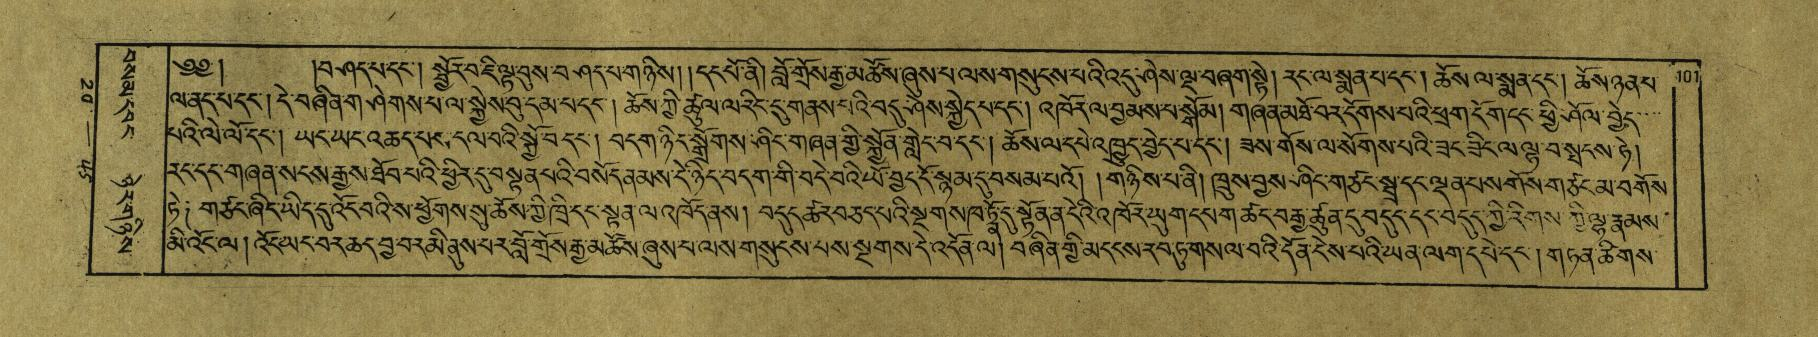༄༅། །བཤད་པ་དང་། སྦྱོར་བ་ཇི་ལྟ་བུས་བཤད་པ་གཉིས། །དང་པོ་ནི། བློ་གྲོས་རྒྱ་མཚོས་ཞུས་པ་ལས་གསུངས་པའི་འདུ་ཤེས་ལྔ་བཞག་སྟེ། རང་ལ་སྨན་པ་དང་། ཆོས་ལ་སྨན་དང་། ཆོས་ཉན་པ་
ལ་ནད་པ་དང་། དེ་བཞིན་གཤེགས་པ་ལ་སྐྱེས་བུ་དམ་པ་དང་། ཆོས་ཀྱི་ཚུལ་ལ་རིང་དུ་གནས་པའི་བདུ་ཤེས་སྐྱེད་པ་དང་། འཁོར་ལ་བྱམས་པ་སྒོམ། གཞན་མཐོ་བར་དོགས་པའི་ཕྲག་དོག་དང་ཕྱི་ཤོལ་བྱེད་
པའི་ལེ་ལོ་དང་། ཡང་ཡང་འཆད་པས་དལ་བའི་སྐྱོ་བ་དང་། བདག་ཉིད་སྒྲོགས་ཤིང་གཞན་གྱི་སྐྱོན་གླེང་བ་དང་། ཆོས་ལ་དཔེ་འཁྱུད་བྱེད་པ་དང་། ཟས་གོས་ལ་སོགས་པའི་ཟང་ཟིང་ལ་ལྟ་བ་སྤངས་ཏེ།
རང་དང་གཞན་སངས་རྒྱས་ཐོབ་པའི་ཕྱིར་དུ་བསྟན་པའི་བསོད་ནམས་དེ་ཉིད་བདག་གི་བདེ་བའི་ཡོ་བྱད་དོ་སྙམ་དུ་བསམ་པའོ། །གཉིས་པ་ནི། ཁྲུས་བྱས་ཤིང་གཙང་སྦྲ་དང་ལྡན་པས་གོས་གཙང་མ་བགོས་
ཏེ༑ གཙང་ཞིང་ཡིད་དུ་འོང་བའི་ས་ཕྱོགས་སུ་ཆོས་ཀྱི་ཁྲི་དང་སྟན་ལ་འཁོད་ནས། བདུད་ཚར་བཅད་པའི་སྔགས་ཁ་ཏོན་དུ་སྟོན་ན་དེའི་འཁོར་ཡུག་དཔག་ཚང་བརྒྱ་ཚུན་དུ་བདུད་དང་བདུད་ཀྱི་རིགས་ཀྱི་ལྷ་རྣམས་
མི་འོང་ལ། འོང་ཡང་བར་ཆད་བྱ་བར་མི་ནུས་པར་བློ་གྲོས་རྒྱ་མཚོས་ཞུས་པ་ལས་གསུངས་པས་སྔགས་དེ་འདོན་ལ། བཞིན་གྱི་མདངས་རབ་ཏུ་གསལ་བའི་དོན་ངེས་པའི་ཡན་ལག་དཔེ་དང་། གཏན་ཚིགས་